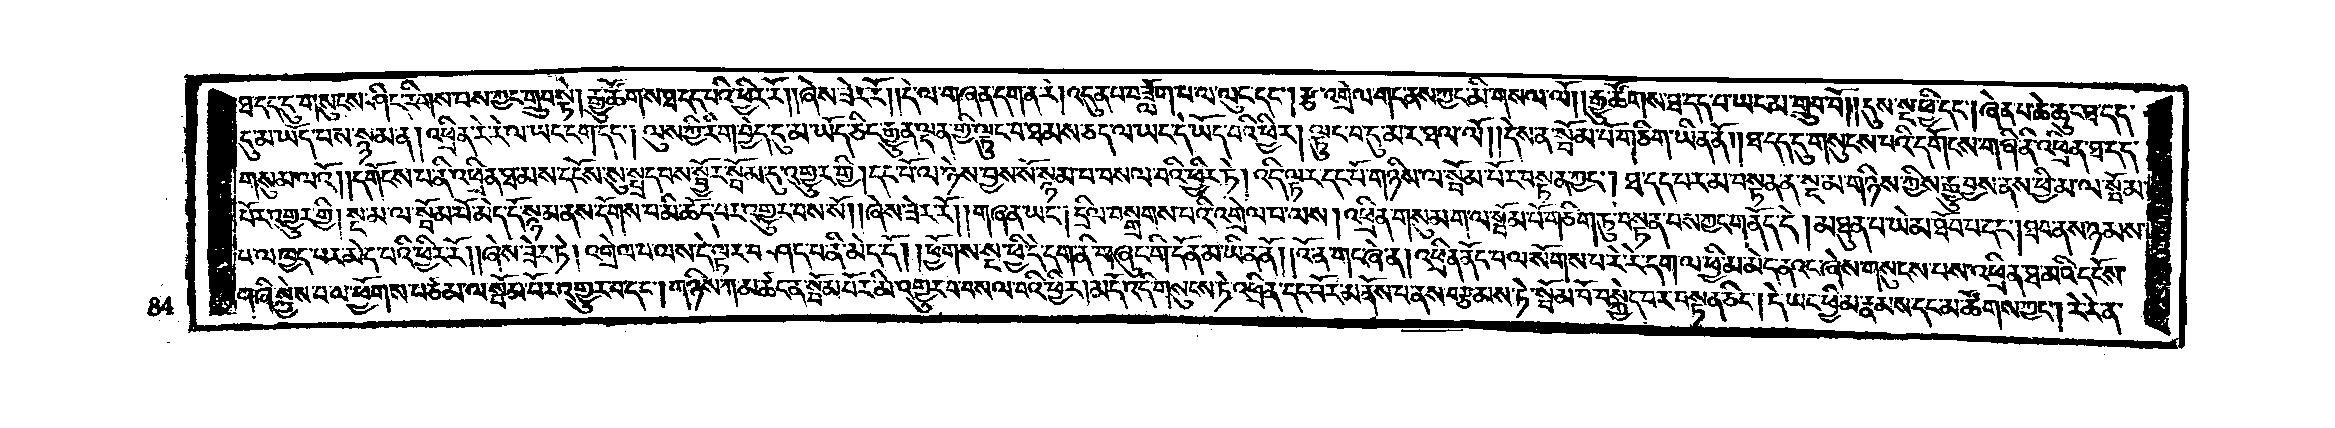ཐ་དད་དུ་གསུངས་ཤིང་རིགས་པས་ཀྱང་གྲུབ་སྟེ། རྒྱུ་ཚོགས་ཐ་དད་པའི་ཕྱིར་རོ། །ཞེས་ཟེར་རོ། །དེ་ལ་གཞན་དག་ན་རེ། འདུན་པ་བཟློག་པ་ལ་ལུང་དང་། རྩ་འགྲེལ་གང་ནས་ཀྱང་མི་གསལ་ལོ། །རྒྱུ་ཚོགས་ཐ་དད་པ་ཡང་མ་གྲུབ་བོ། །དུས་སྔ་ཕྱི་དང་། ཞེན་པ་ཆེ་ཆུང་ཐ་དད་
དུ་མ་ཡོད་པས་སྙམ་ན། འཕྲིན་རེ་རེ་ལ་ཡང་དག་དང་། ལུས་ཀྱི་རིག་བྱེད་དུ་མ་ཡོད་ཅིང་རྒྱུན་ལྡན་གྱི་ལྟུང་བ་ཐམས་ཅད་ལ་ཡང་དེ་ཡོད་པའི་ཕྱིར། ལྟུང་བ་དུ་མར་ཐལ་ལོ། །དེས་ན་སྦོམ་པོ་གཅིག་ཡིན་ནོ། །ཐ་དད་དུ་གསུངས་པའི་དགོངས་གཞི་ནི་འཕྲིན་ཐ་དད་
གསུམ་ལའོ། །དགོངས་པ་ནི་འཕྲིན་ཐ་མས་དངོས་སུ་སྤྲད་པས་སྦྱོར་སྦོམ་དུ་འགྱུར་གྱི། དང་པོ་ལ་ཉེས་བྱས་སོ་སྙམ་པ་བསལ་བའི་ཕྱིར་ཏེ། འདི་ལྟར་དང་པོ་གཉིས་ལ་སྦོམ་པོར་བསྟན་ཀྱང་། ཐ་དད་པར་མ་བསྟན་ན་སྔ་མ་གཉིས་ཀྱིས་རྒྱུ་བྱས་ནས་ཕྱི་མ་ལ་སྦོམ་
པོར་འགྱུར་གྱི། སྔ་མ་ལ་སྦོམ་པོ་མེད་དོ་སྙམ་ནས་དོགས་པ་མི་ཆོད་པར་འགྱུར་བས་སོ། །ཞེས་ཟེར་རོ། །གཞན་ཡང་། དྲིལ་བསྒྲགས་པའི་འགྲེལ་པ་ལས། འཕྲིན་གསུམ་ག་ལ་སྦོམ་པོ་གཅིག་ཏུ་བསྟན་པས་ཀྱང་གནོད་དེ། མཐུན་པ་ཡེ་མ་ཐོབ་པ་དང་། ཐོབ་ནས་ཉམས་
པ་ལ་ཁྱད་པར་མེད་པའི་ཕྱིར་རོ། །ཞེས་ཟེར་ཏེ། འགྲེལ་པ་ལས་དེ་ལྟར་བཤད་པ་ནི་མེད་དོ། །ཕྱོགས་སྔ་ཕྱི་དེ་དག་ནི་གཞུང་གི་དོན་མ་ཡིན་ནོ། །འོ་ན་གང་ཞེ་ན། འཕྲིན་ནོད་པ་ལ་སོགས་པ་རེ་རེ་དག་ལ་ཕྱི་མ་མེད་ནའང་ཞེས་གསུངས་པས་འཕྲིན་ཐ་མའི་དངོས་
གཞི་སྐྱེས་པ་ལ་ཕྱོགས་པ་ཅེམ་ལ་སྤོམ་པོར་འགྱུར་བ་དང་། གཉིས་ཀ་མ་ཚང་ན་སྦོམ་པོར་མི་འགྱུར་བ་བསལ་བའི་ཕྱིར། མདོ་འདི་གསུངས་ཏེ་འཕྲིན་དང་པོར་མནོས་པ་ནས་བརྩམས་ཏེ་སྦོམ་པོ་བསྐྱེད་པར་བསྟན་ཅིང་། དེ་ཡང་ཕྱི་མ་རྣམས་དང་མ་ཚོགས་ཀྱང་། རེ་རེ་ན་